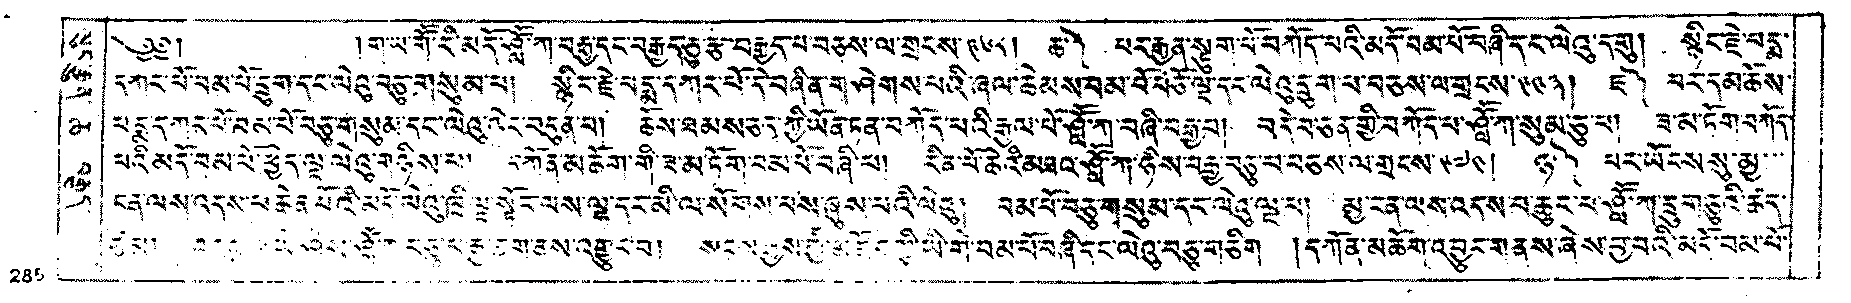༄༅། །ག་ཡ་གཽ་རི་མདོ་ཤླཽ་ཀ་བརྒྱ་དང་བརྒྱད་ཅུ་རྩ་བརྒྱད་པ་བཅས་ལ་གྲངས ༤༦༨། ཆ྄་པར་རྒྱན་སྟུག་པོ་བཀོད་པའི་མདོ་བམ་པོ་བཞི་དང་ལེའུ་དགུ། སྙིང་རྗེ་པདམ་
དཀར་པོ་བམ་པོ་དྲུག་དང་ལེའུ་བཅུ་གསུམ་པ། སྙིང་རྗེ་པདམ་དཀར་པོ་དེ་བཞིན་གཤེགས་པའི་ཞལ་ཆེམས་བམ་པོ་བཅོ་ལྔ་དང་ལེའུ་དྲུག་པ་བཅས་ལ་གྲངས ༤༤༣། ཇ྄་པར་དམ་ཆོས་
པདམ་དཀར་པོ་བམ་པོ་བཅུ་གསུམ་དང་ལེའུ་ཉེར་བདུན་པ། ཆོས་ཐམས་ཅད་ཀྱི་ཡོན་ཏན་བཀོད་པའི་རྒྱལ་པོ་ཤླཽ་ཀ་བཞི་བརྒྱ་པ། བདེ་བ་ཅན་གྱི་བཀོད་པ་ཤླཽ་ཀ་སུམ་ཅུ་པ། ཟ་མ་ཏོག་བཀོད་
པའི་མདོ་བམ་པོ་ཕྱེད་ལྔ་ལེའུ་གཉིས་པ། དཀོན་མཆོག་གི་ཟ་མ་ཏོག་བམ་པོ་བཞི་པ། རིན་པོ་ཆེའི་མཐའ་ཤླཽ་ཀ་ཉིས་བརྒྱ་བཅུ་པ་བཅས་ལ་གྲངས ༤༧༤། ཉ྄་པར་ཡོངས་སུ་མྱ་
ངན་ལས་འདས་པ་ཆེན་པོའི་མདོ་ལེའུ་ཁྲི་ལྔ་སྟོང་ལས་ལྷ་དང་མི་ལ་སོགས་པས་ཞུས་པའི་ལེའུ། བམ་པོ་བཅུ་གསུམ་དང་ལེའུ་ལྔ་པ། མྱ་ངན་ལས་འདས་པ་ཆུང་བ་ཤླཽ་ཀ་དྲུག་ཅུའི་ཚད་
ཙམ། འདའ་ཁ་ཡེ་ཤེས་ཤླཽ་ཀ་བཅུ་པ་རྒྱ་ནག་ནས་འགྱུར་བ། སངས་རྒྱས་ཀྱི་མཛོད་ཀྱི་ཡི་གེ་བམ་པོ་བཞི་དང་ལེའུ་བཅུ་གཅིག །དཀོན་མཆོག་འབྱུང་གནས་ཞེས་བྱ་བའི་མདོ་བམ་པོ་